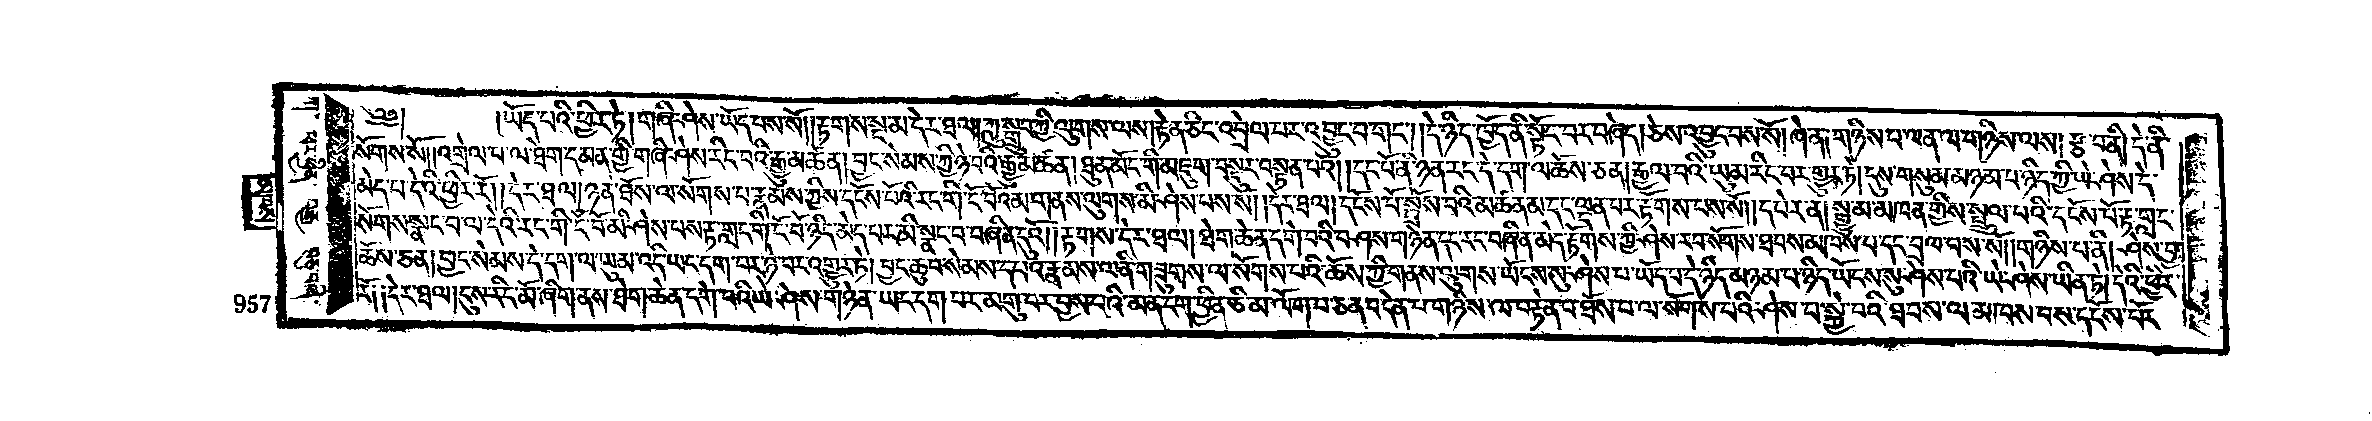༄༅། །ཡོད་པའི་ཕྱིར་ཏེ། གཞི་ཤེས་ཡོད་པས་སོ། །རྟགས་སྔ་མ་དེར་ཐལ། ཀླུ་སྒྲུབ་ཀྱི་ལུགས་ལས། རྟེན་ཅིང་འབྲེལ་བར་འབྱུང་བ་གང་། །དེ་ཉིད་ཁྱོད་ནི་སྟོང་བར་བཞེད། ཅེས་འབྱུང་བས་སོ། ཞེ་ན། གཉིས་པ་ལམ་ལ་གཉིས་ལས། རྩ་བ་ནི། དེ་ནི་
སོགས་སོ། །འགྲེལ་བ་ལ་ཐེག་དམན་གྱི་གཞི་ཤེས་རིང་བའི་རྒྱུ་མཚན། བྱང་སེམས་ཀྱི་ཉེ་བའི་རྒྱུ་མཚན། ཐུན་མོང་གི་མཇུག་བསྡུར་བསྟན་པའོ། །དང་པོ་ནི་ཉན་རང་དེ་དག་ལ་ཆོས་ཅན། རྒྱལ་བའི་ཡུམ་རིང་བར་གྱུར་ཏེ། དུས་གསུམ་མཉམ་པ་ཉིད་ཀྱི་ཡེ་ཤེས་དེ་
མེད་པ་དེའི་ཕྱིར་རོ། །དེར་ཐལ། ཉན་ཐོས་ལ་སོགས་པ་རྣམས་ཀྱིས་དངོས་པོའི་རང་གི་ངོ་བོའམ་གནས་ལུགས་མི་ཤེས་པས་སོ། །དེར་ཐལ། དངོས་པོ་སྤྲོས་པའི་མཚན་མ་དང་ལྡན་པར་རྟོགས་པས་སོ། །དཔེར་ན། སྒྱུ་མ་མཁན་གྱིས་སྤྲུལ་པའི་དངོས་པོ་རྟ་གླང་
སོགས་སྣང་བ་ལ་དེའི་རང་གི་ངོ་བོ་མི་ཤེས་པས་རྟ་གླང་གི་ངོ་བོ་ཉིད་མེད་པར་མི་སྣང་བ་བཞིན་དུའོ། །རྟགས་དེར་ཐལ། ཐེག་ཆེན་དགེ་བའི་བཤེས་གཉེན་དང་རང་བཞིན་མེད་རྟོགས་ཀྱི་ཤེས་རབ་སོགས་ཐབས་མཁས་པ་དང་བྲལ་བས་སོ། །གཉིས་པ་ནི། ཤེས་བྱ་
ཆོས་ཅན། བྱང་སེམས་དེ་དག་ལ་ཡུམ་འདི་ཡང་དག་པར་ཉེ་བར་འགྱུར་ཏེ། བྱང་ཆུབ་སེམས་དཔའ་རྣམས་ལ་ནི་གཟུགས་ལ་སོགས་པའི་ཆོས་ཀྱི་གནས་ལུགས་ཡོངས་སུ་ཤེས་པ་ཡོད་པ་དེ་ཉིད་མཉམ་པ་ཉིད་ཡོངས་སུ་ཤེས་པའི་ཡེ་ཤེས་ཡིན་ཏེ། དེའི་ཕྱིར་
རོ༑ ༑དེར་ཐལ། དུས་རིང་མོ་ཞིག་ནས་ཐེག་ཆེན་དགེ་བའི་ཡེ་ཤེས་གཉེན་ཡང་དག་པར་མགུ་པར་བྱས་པའི་མན་ངག་ཕྱིན་ཅི་མ་ལོག་པ་ཅན་བདེན་པ་གཉིས་ལ་བརྟེན་པ་ཐོས་པ་ལ་སོགས་པའི་ཤེས་པ་སྐྱེ་བའི་ཐབས་ལ་མཁས་པས་དངོས་པོར་